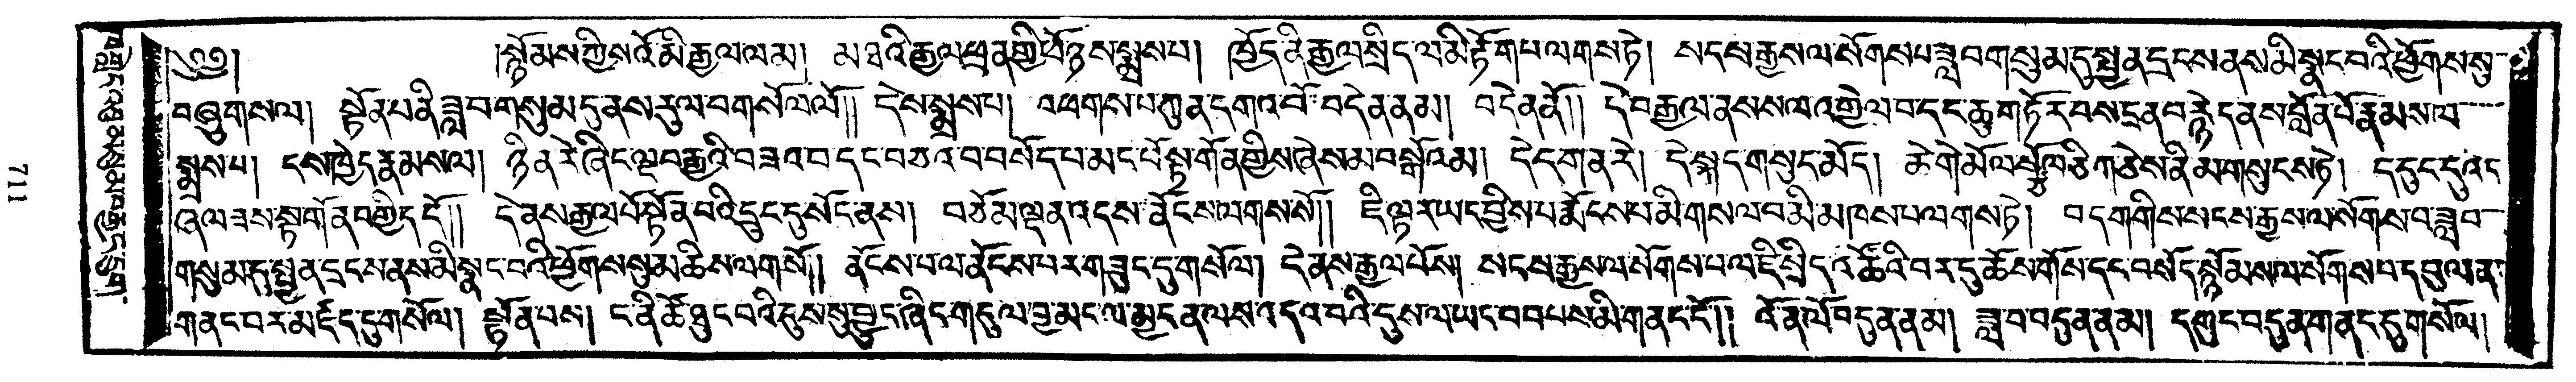༄༅། །སྙོམས་ཀྱིས་འོ་མི་རྒྱལ་ལམ། མཐའི་རྒྱལ་ཕྲན་གྱི་ཕོ་ཉས་སྨྲས་པ། ཁྱོད་ནི་རྒྱལ་སྲིད་ལ་མི་རྟོག་པ་ལགས་ཏེ། སངས་རྒྱས་ལ་སོགས་པ་ཟླ་བ་གསུམ་དུ་སྤྱན་དྲངས་ནས་མི་སྣང་བའི་ཕྱོགས་སུ་
བཞུགས་ལ། སྟོན་པ་ནི་ཟླ་བ་གསུམ་དུ་ནས་རུལ་བ་གསོལ་ལོ།། དེས་སྨྲས་པ། འཕགས་པ་ཀུན་དགའ་བོ་བདེན་ནམ། བདེན་ནོ།། དེ་བརྒྱལ་ནས་སལ་འགྱེལ་བ་དང་ཆུ་གཏོར་བས་དྲན་བརྙེད་ནས་བློན་པོ་རྣམས་ལ་
སྨྲས་པ། ངས་ཁྱེད་རྣམས་ལ། ཉིན་རེ་ཞིང་ལྔ་བརྒྱའི་བཟའ་བ་དང་བཅའ་བ་བསོད་པ་མང་པོ་སྟ་གོན་གྱིས་ཞེས་མ་བསྒོ་འམ། དེ་དག་ན་རེ། དེ་སྐད་གསུང་མོད། ཆེ་གེ་མོ་ལ་སྩོལ་ཅིག་ཅེས་ནི་མ་གསུངས་ཏེ། ད་དུང་དུའང་
ཞལ་ཟས་སྟ་གོན་བགྱིད་དོ།། དེ་ནས་རྒྱལ་པོ་སྟོན་བའི་དྲུང་དུ་སོང་ནས། བཅོམ་ལྡན་འདས་ནོངས་ལགས་སོ།། ཇི་ལྟར་ཡང་བྱིས་པ་རྨོངས་པ་མི་གསལ་བ་མི་མཁས་པ་ལགས་ཏེ། བདག་གིས་སངས་རྒྱས་ལ་སོགས་བ་ཟླ་བ་
གསུམ་དུ་སྤྱན་དྲངས་ནས་མི་སྣང་བའི་ཕྱོགས་སུ་མཆིས་ལག་སོ།། ནོངས་པ་ལ་ནོངས་པར་གཟུང་དུ་གསོལ། དེ་ནས་རྒྱལ་པོས། སངས་རྒྱས་ལ་སོགས་པ་ལ་ཇི་སྲིད་འཚོའི་བར་དུ་ཆོས་གོས་དང་བསོད་སྙོམས་ལ་སོགས་པ་དབུལ་ན་
གནང་བར་མཛད་དུ་གསོལ། སྟོན་པས། ང་ནི་ཚོ་ཐུང་བའི་དུས་སུ་བྱུང་ཞིང་གདུལ་བྱ་མང་ལ་མྱང་ན་ལས་འདའ་བའི་དུས་ལ་ཡང་བབ་པས་མི་གནང་ངོ།། འོ་ན་ལོ་བདུན་ནམ། ཟླ་བ་བདུན་ནམ། དགུང་བདུན་གནང་དུ་གསོལ།